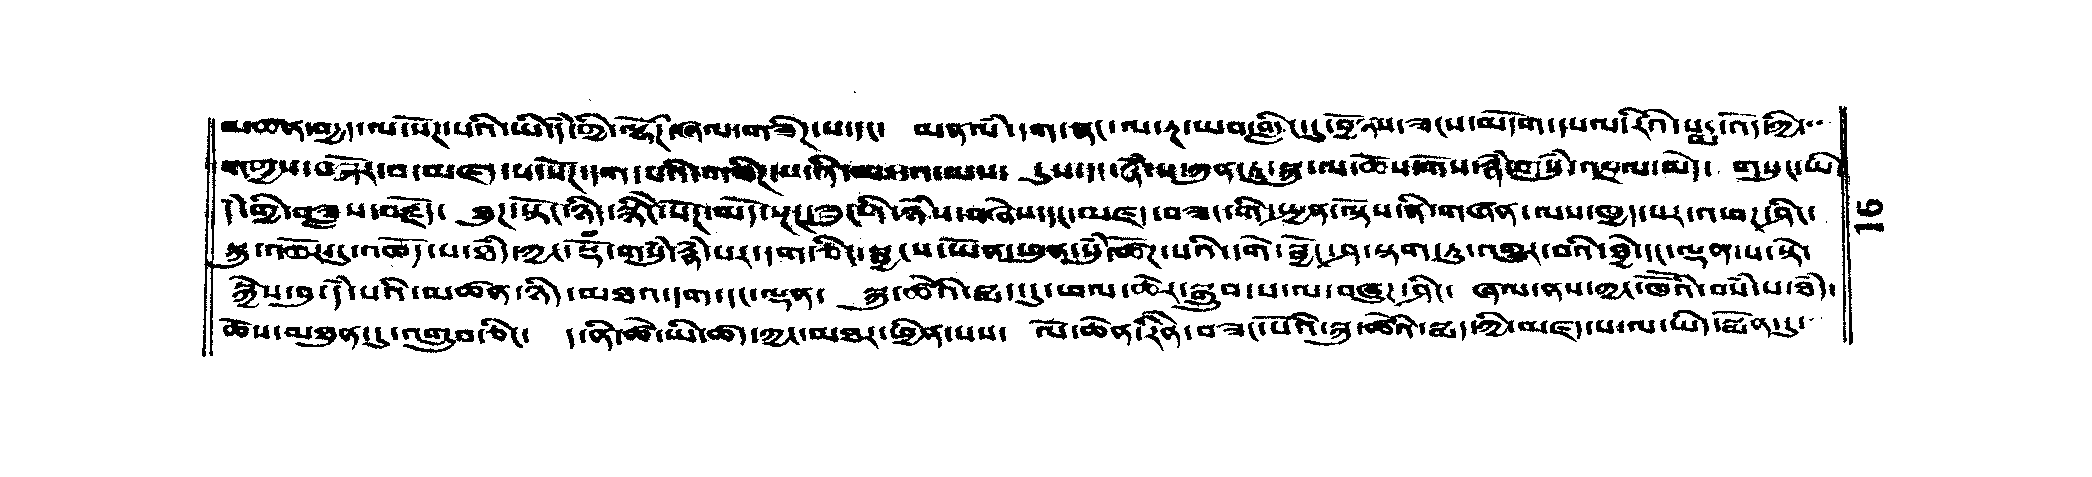མཚན་བརྒྱད་ལ་སོགས་པའི་ཡི་དམ་གྱི་ལྷ་ཚོགས་ཞལ་གཟིགས་པ་དང་། མནལ་ལམ་དག་སྣང་ལ་རྔ་ཡབ་གླིང་དུ་བྱོན་ནས་ཟངས་མདོག་དཔལ་རིའི་པདྨ་འོད་ཀྱི་
ཕོ་བྲང་ལ་བསྐོར་བ་མཛད་པ་སོགས་དག་པའི་གཟིགས་པ་ནི་མཐའ་ཡས། དུས་དང་རྣམ་པ་ཀུན་ཏུ་སྐུ་ལ་ཆོས་གོས་རྣམ་གསུམ་འབྲལ་མེད། གསུང་ཡི་
དམ་གྱི་བཟླས་བརྗོད། ཐུགས་སྟོང་ཉིད་སྙིང་རྗེ་སོགས་མདོ་སྔགས་ཟུང་འཇུག་གི་ཉམས་བཞེས་དང་མཛད་བཟང་གི་སྤྱན་ལྟོས་ནི་གཞན་ལས་ཁྱད་པར་འཕགས་ཤིང་
སྐུ་འཁོར་དུ་འཁོད་པ་ཐམས་ཅད་ཀྱང་སྡོམ་གསུམ་རྣམ་པར་དག་ཅིང་སྦྱངས་ཡོན་ཕུན་སུམ་ཚོགས་པའི་དགེ་སྦྱོང་ཤ་སྟག་ཏུ་འགྱུར་བའི་ཐུགས་རྗེ་དང་ལྡན་པ་སྟེ་
སྐྱེས་བུ་དམ་པའི་མཚན་ཉིད་མཐའ་དག་དང་ལྡན། སྐུ་ཚེའི་སྨད་དུ་ཕལ་ཆེར་སྒྲུབ་པ་ལ་བཞུགས་ཤིང་། ཞལ་ནས་ཀྱང་ཁོ་བོའི་བསམ་པ་ཐམས་ཅད་
ཆོས་མཐུན་དུ་འགྲུབ་ཅིང་། ད་ནི་ཚེ་ཡི་ཚད་ཀྱང་མཐར་ཕྱིན་པས། ལོ་ཆེན་རིན་ཆེན་བཟང་པོའི་སྐུ་ཚེའི་སྨད་ཀྱི་མཛད་པ་ལ་ཡིད་སྨོན་དུ་